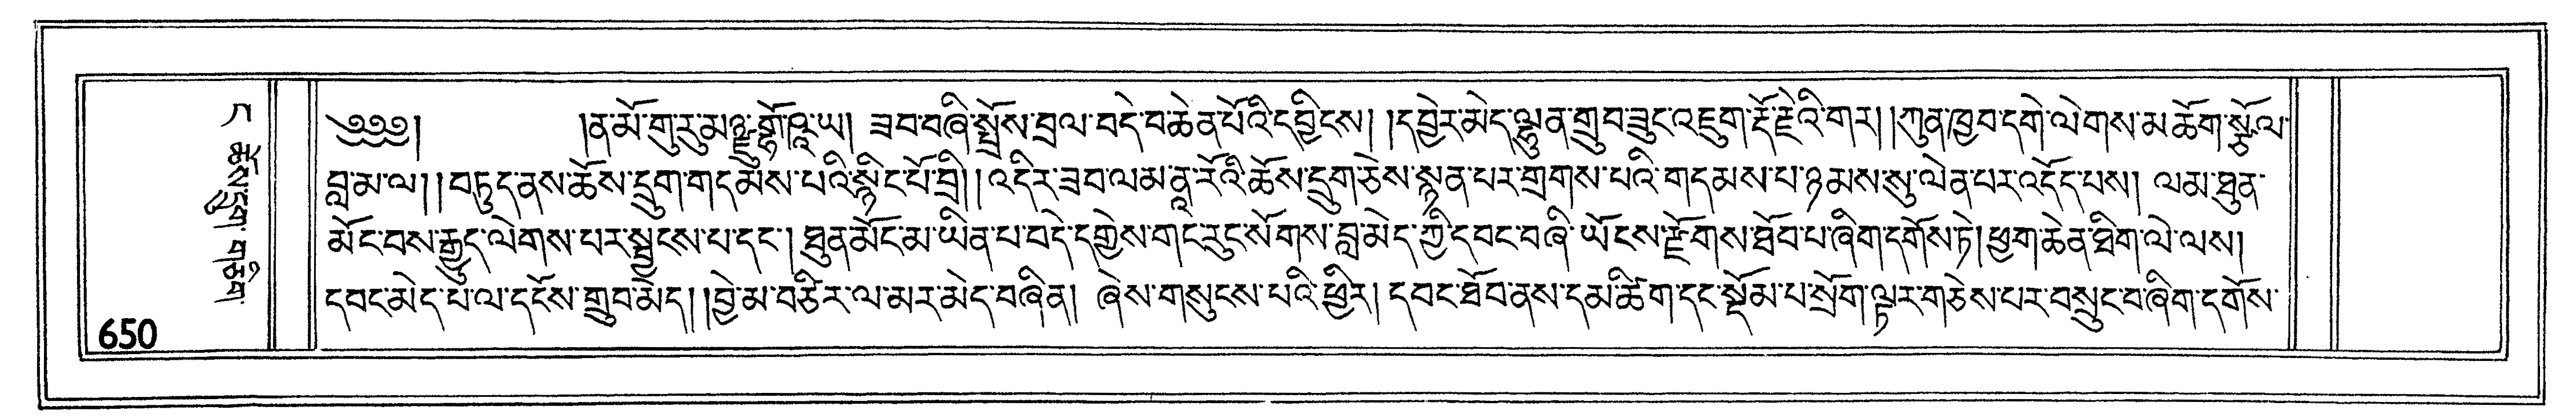༄༅༅། །ན་མོ་གུ་རུ་མཉྫུ་གྷོ་ཥཱ་ཡ། ཟབ་བཞི་སྤྲོས་བྲལ་བདེ་བ་ཆེན་པོའི་དབྱིངས། །དབྱེར་མེད་ལྷུན་གྲུབ་ཟུང་འཇུག་རྡོ་རྗེའི་གར། །ཀུན་ཁྱབ་དགེ་ལེགས་མཆོག་སྩོལ་
བླ་མ་ལ། །བཏུད་ནས་ཆོས་དྲུག་གདམས་པའི་སྙིང་པོ་བྲི། །འདིར་ཟབ་ལམ་ནཱ་རོའི་ཆོས་དྲུག་ཅེས་སྙན་པར་གྲགས་པའི་གདམས་པ་ཉམས་སུ་ལེན་པར་འདོད་པས། ལམ་ཐུན་
མོང་བས་རྒྱུད་ལེགས་པར་སྦྱངས་པ་དང་། ཐུན་མོང་མ་ཡིན་པ་བདེ་དགྱེས་གང་རུང་སོགས་བླ་མེད་ཀྱི་དབང་བཞི་ཡོངས་རྫོགས་ཐོབ་པ་ཞིག་དགོས་ཏེ། ཕྱག་ཆེན་ཐིག་ལེ་ལས།
དབང་མེད་པ་ལ་དངོས་གྲུབ་མེད། །བྱེ་མ་བཙིར་ལ་མར་མེད་བཞིན། ཞེས་གསུངས་པའི་ཕྱིར། དབང་ཐོབ་ནས་དམ་ཚིག་དང་སྡོམ་པ་སྲོག་ལྟར་གཅེས་པར་བསྲུང་བ་ཞིག་དགོས་